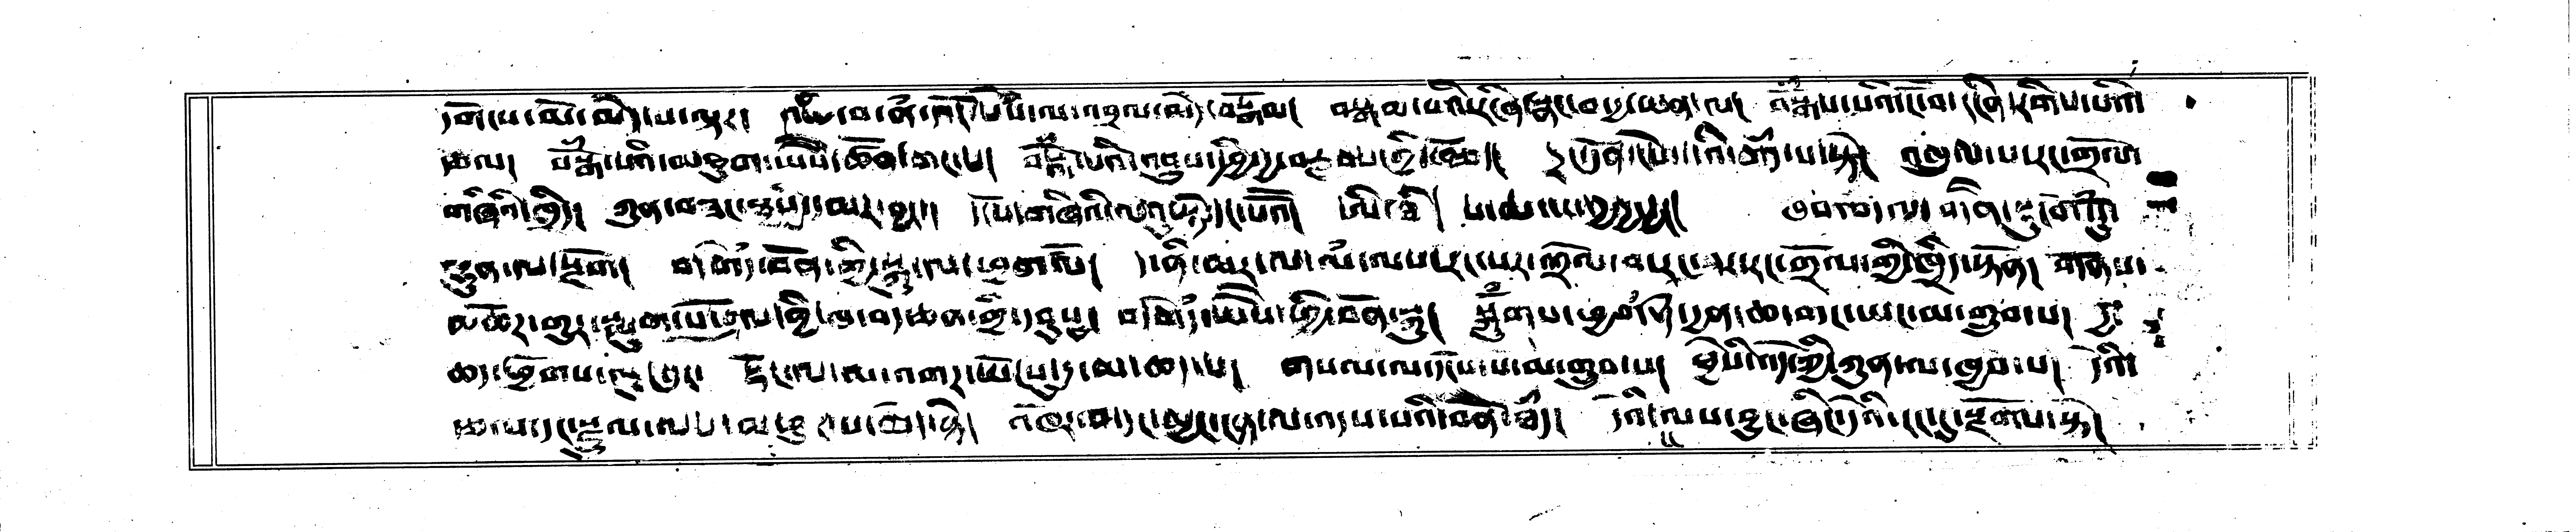དགོང་མོ་མེད་པ་ལྟར། འཆི་བ་ནམ་འོང་སེམས་ལ་འབྲལ་མེད་བསྒོམ། བསྒོམ་པའི་རང་བཞིན་སྣང་བ་རྒྱ་ཡན་ལ། སྒོམ་པའི་ངོ་བོ་རང་བཞིན་རིག་པའི་
རྩལ། བསྒོམ་པའི་མཐར་ཐུག་ཡེ་ཤེས་ཚོན་གང་ལ། བསྒོམ་པའི་འབྲས་བུ་སྤྱི་རྒྱ་རླབས་ཀྱིས་གཅོད། དྲང་དོན་ངེས་པའི་གདམས་པ་སྟེ། འཁྲུལ་པ་རང་གྲོལ་
གཞིའི་ཁྲིད། ཀུན་བཟང་ཐུགས་ཀྱི་དམར་བྱང་། དངོས་གཞིའི་ལེའུ་སྟེ་དང་པོའོ། །ཨི་ཐི། ས་མ་ཡ། རྒྱ་རྒྱ་རྒྱ།། །།༧ ཁྱབ་བདལ་བདེ་ཆེན་སྟོང་གསུམ་
ལྷུན་ལ་རྫོགས། བདག་མེད་བོན་གྱི་སྐུ་ལ་ཕྱག་འཚལ་ལོ། ད་ནི་མར་ལ་ལམ་ལས་རང་སར་གྲོལ་བ་རང་ཤར་རང་གྲོལ་གྱི་ཁྲིད་སྟོན། གནས་
མཆོང་གུར་སྨུག་པོ་ཤེལ་གྱི་ཁ་བད་ཅན་གྱི་དབུས་སུ། བདག་མེད་ཡེ་ཤེས་ཀྱི་བོན་སྐུ། སྐུ་མདོག་ཕྱག་མཚན་རྒྱན་ཆ་གང་ཡང་མ་གྲུབ་པ། རྒྱ་
ཆད་ཕྱོགས་ལྷུང་དང་། སྟོང་ལ་མ་འགགས་རྒྱ་ཡོངས་སུ་མ་ཆད་པ། གསལ་ལ་དངོས་པོ་མ་གྲུབ་པ། ཐུགས་རྗེའི་འོད་ཀྱིས་ཀུན་ལ་ཁྱབ་པ། དེའི་
རྩལ་དང་རྫུ་འཕྲུལ་ལས་མ་བྱུང་བ་མེད་དེ། འཁོར་བ་དང་མྱ་ངན་ལས་འདས་པའི་བོན་ཐམས་ཅད། དེའི་ངང་ལས་བྱུང་ཞིང་དེའི་ངང་ལས་རྫོགས་ཏེ།